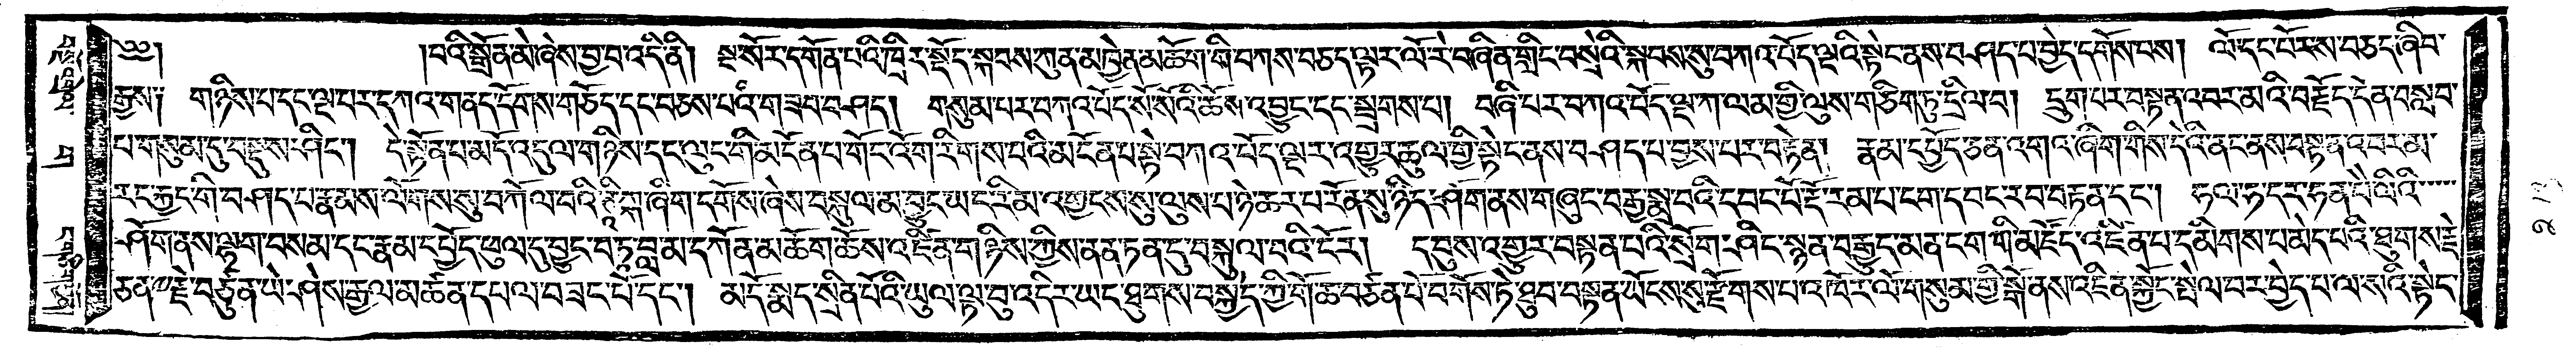༄༅། །བའི་སྒྲོན་མེ་ཞེས་བྱ་བ་འདི་ནི། སྔ་སོར་དགོན་པའི་ཁྲིར་སྡོད་སྐབས་ཀུན་མཁྱེན་མཆོག་གི་བཀས་བཅད་ལྟར་ལོ་རེ་བཞིན་གླིང་བསྲེའི་སྐབས་སུ་བཀའ་པོད་ལྔའི་སྟེང་ནས་བཤད་པ་བྱེད་དགོས་པས། ལོ་དང་བོར་ས་བཅད་ཆི་བ་
རྒྱས༑ གཉིས་པ་དང་ལྔ་པར་དཀའ་གནད་དོགས་གཅོད་དང་བཅས་པའི་གཟབ་བཤད། གསུམ་པར་བཀའ་བོད་སོ་སོའི་ཆོས་འབྱུང་དང་སྒྲགས་པ། བཞི་པར་བཀའ་བོད་ལྔ་ཀ་ལམ་གྱི་ལུས་གཅིག་ཏུ་དྲིལ་བ། དྲུག་པར་བསྟན་འབར་མའི་བརྗོད་དོན་བསླབ་
པ་གསུམ་དུ་བསྡུས་ཤིང་། དེ་སྟོན་པ་མདོ་འདུལ་གཉིས་དང་ལུང་གི་མངོན་པ་གོང་འོག་རིགས་པའི་མངོན་པ་སྟེ་བཀའ་བོད་ལྔར་འགྱུར་ཚུལ་གྱི་སྟེང་ནས་བཤད་པ་བྱས་པར་བརྟེན། རྣམ་དཔྱོད་ཅན་འགའ་ཞིག་གིས་དེའི་ནང་ནས་བསྟན་པར་མ་
རང་རྐྱང་གི་བཤད་པ་རྣམས་ལོགས་སུ་བཀོལ་བའི་ཊཱིཀྐ་ཞིག་དགོས་ཞེས་བསྐུལ་མ་བྱུང་ཡང་རིམ་འགྱངས་སུ་ལུས་པ་ཉེ་ཆར་པ་རོན་སུ་ཉིད་ཤོག་ནས་གཞུང་བརྒྱ་སྨྲ་བའི་དབང་པོ་རྡོ་རམ་པ་ངག་དབང་རབ་བརྟན་དང་། ཧལ་ཧ་དར་ཧན་བཻ་ལིའི་
ཤོག་ནས་ལྷག་བསམ་དང་རྣམ་དཔྱོད་ཕུལ་དུ་བྱུང་བ་ཏཱ་བླ་མ་དཀོན་མཆོག་ཆོས་འཛིན་གཉིས་ཀྱིས་ནན་ཏན་དུ་བསྐུལ་བའི་ངོར། དབུས་འགྱུར་བསྟན་པའི་སྲོག་ཤིང་སྙན་བརྒྱུད་མན་ངག་གི་མཛོད་འཛིན་པ་དམིགས་པ་མེད་པའི་ཐུགས་རྗེ་
ཅན་ལྔ་བཙུན་ཡེ་ཤེས་རྒྱལ་མཚན་དཔལ་བཟང་པོ་དང་། མདོ་སྨད་སྲིན་པོའི་ཡུལ་ལྟ་བུ་འདིར་ཡང་ཐུགས་བསྐྱེད་ཀྱི་གོ་ཆ་བཙན་པོ་བགོས་ཏེ་ཐུབ་བསྟན་ཡོངས་སུ་རྫོགས་པ་འཁོར་ལོ་གསུམ་གྱི་སྒོ་ནས་འཛིན་སྐྱོང་སྤེལ་བར་བྱེད་པ་ལ་སའི་སྟེང་